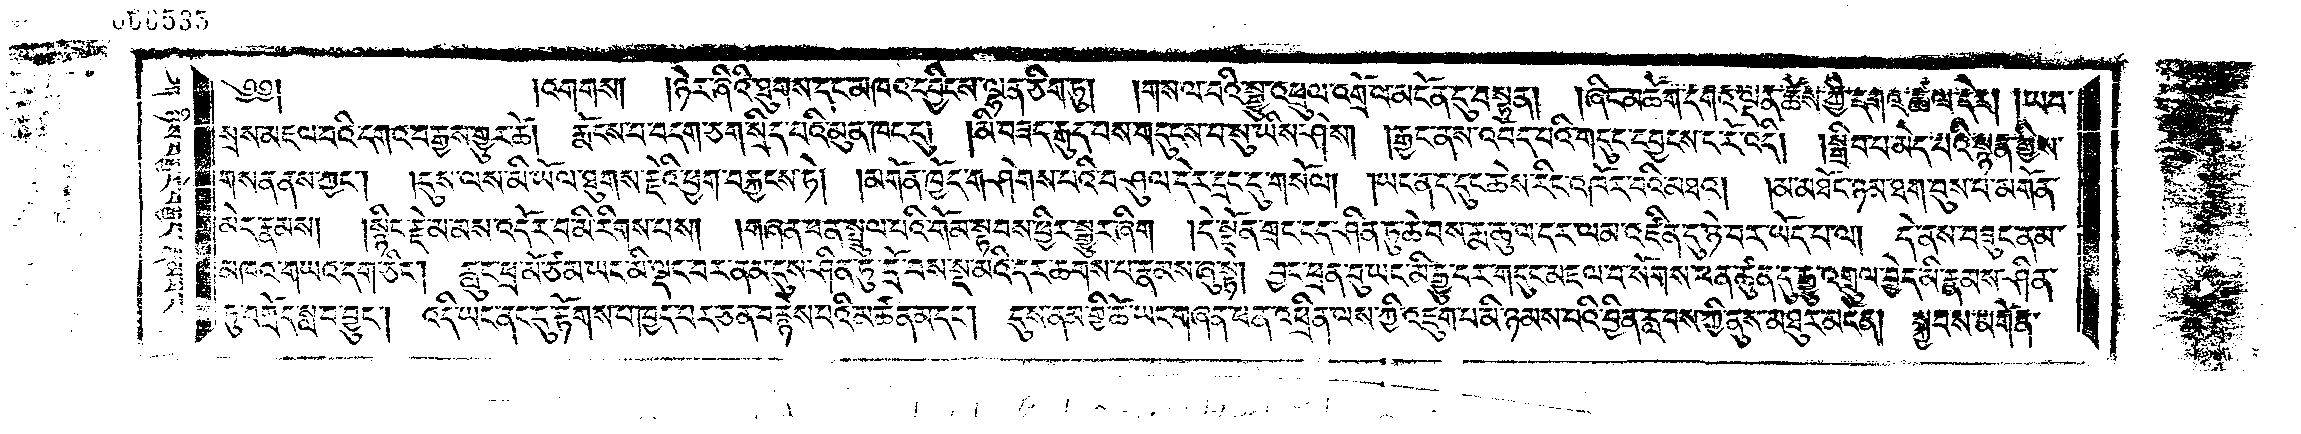༄༅། །འགགས། །ཉེར་ཞིའི་ཐུགས་དང་མཁའ་དབྱིངས་ལྷན་ཅིག་ཏུ། །གསལ་བའི་སྒྱུ་འཕྲུལ་འགྲོ་ལ་མངོན་དུ་བསྟན། །ཞིང་མཆོག་དགའ་ལྡན་ཆོས་ཀྱི་དགའ་ཚལ་དེར། །ཡབ་
སྲས་མཇལ་བའི་དགའ་བ་རྒྱས་གྱུར་ཚེ། རྨོངས་པ་བདག་ཅག་སྲིད་པའི་མུན་ཁང་དུ། །མི་བཟད་རྒུད་པས་གདུང་པ་སུ་ཡིས་ཤེས། །རྒྱང་ནས་འབོད་པའི་གདུང་དབྱངས་ང་རོ་འདི། །སྒྲིབ་པ་མེད་པའི་སྙན་གྱིས་
གསན་ནས་ཀྱང་། །དུས་ལས་མི་ཡོལ་ཐུགས་རྗེའི་ཕྱག་བརྐྱངས་ཏེ། །མགོན་ཁྱོད་གཤེགས་པའི་བཤུལ་དེར་དྲང་དུ་གསོལ། །ཡང་ན་ད་དུང་ཆེས་རིང་འཁོར་བའི་མཐའ། །མ་མཐོང་ཉམ་ཐག་བུས་པ་མགོན་
མེད་རྣམས། །སྙིང་རྗེ་མ་མས་འདོར་བ་མི་རིགས་པས། །གཞན་ཕན་སྤྲུལ་པའི་གོམ་སྟབས་ཕྱིར་སྒྱུར་ཞིག །དེ་སྔོན་གྲང་ངད་ཤིན་ཏུ་ཆེ་བས་རྨད་ཆུ་ལ་དར་ལམ་འཛིན་དུ་ཉེ་བར་ཡོད་པ་ལ། དེ་ནས་བཟུང་ནམ་
མཁའ་གཡའ་དག་ཅིང་། རླུང་ཕྲ་མོ་ཙམ་ཡང་མི་ལྡང་བར་ནམ་དུས་ཤིན་ཏུ་དྲོ་བས་སྔ་མའི་དར་ཆགས་པ་རྣམས་ཞུ་སྟེ། བྱང་ཕྲན་བུ་ཡང་མི་རྒྱུ་བར་གདུང་མཇལ་བ་སོགས་ཕན་ཚུན་དུ་རྒྱུ་འགྲུལ་བྱེད་མི་རྣམས་ཤིན་
ཏུ་བགྲོད་སླབ་བྱུང་། འདི་ཡང་ནང་དུ་རྟོགས་པ་ཁྱད་པར་ཅན་བརྙེས་པའི་མཚན་མ་དང་། དུས་ནམ་གྱི་ཚེ་ཡང་གཞན་ཕན་འཕྲིན་ལས་ཀྱི་འཇུག་པ་མི་ཉམས་པའི་བྱིན་རླབས་ཀྱི་ནུས་མཐུར་མངོན། སྐྱབས་མགོན་